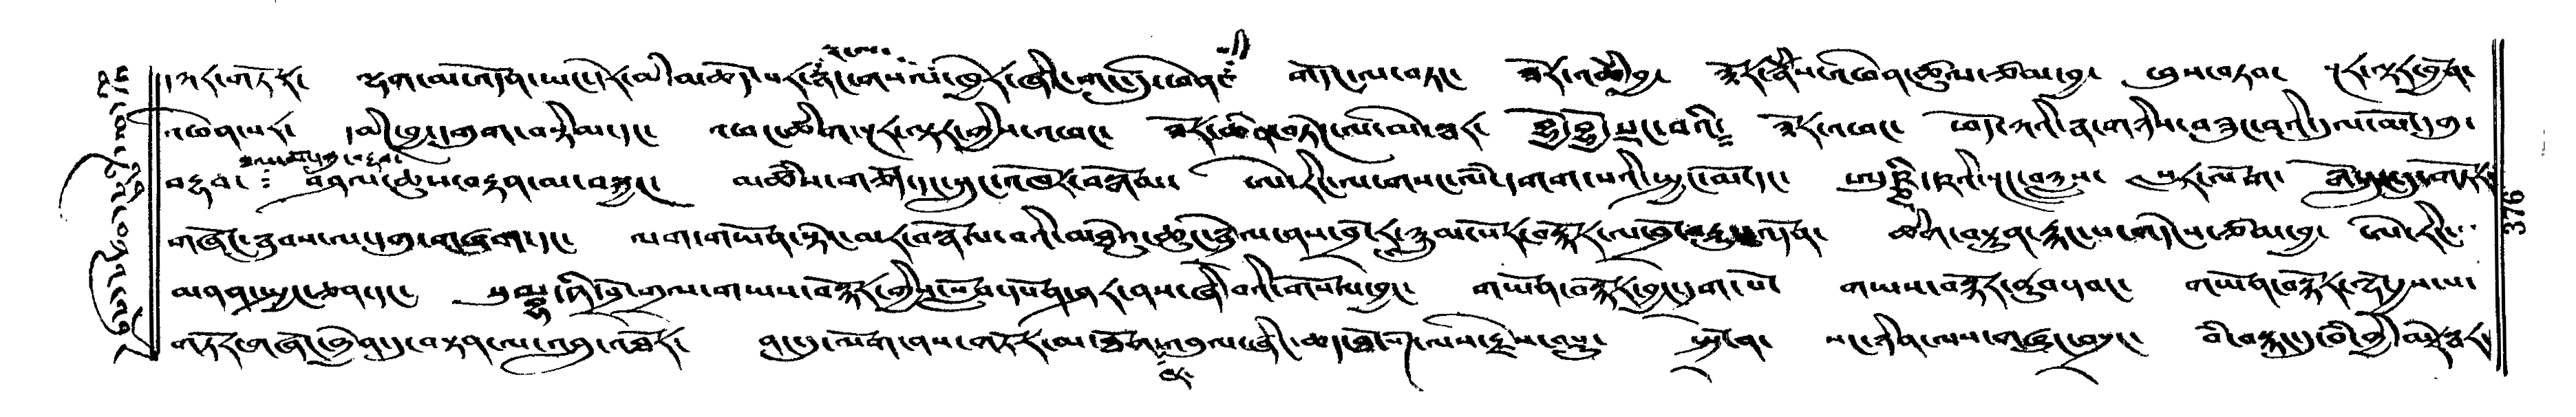དཀར་གཏོར། ལྷག་མ་འདོན་ཡང་དེར་མི་མཆོད་པར་སྣ་ལ་ཁྱེར་ཞིང་གང་དུ་ཕེན་པའི་གདོང་ལ་གཏང་། ཟོར་འཆམ་བྱ། ཟོར་རྣམས་འཕེན་ཙམ་བྱ། ཕུས་བཏབ། སྔར་ལྟར་བྱོན། 
འཕེན་པར། དམིགས་བྱ་དགུག་བསྟིམ་དང་། འཕང་ཚིག་སྔར་ལྟར་གྱིས་འཕང་། ཟོར་ཆེན་བཏེགས་ལ་མེ་སྦར། བྷྱོ་བྷྱོ་སྡང་བའི༴ ཟོར་འཕང་། ཕོད་ཀའི་སྣ་གཉིས་བཟུང་བའི་དུལ་མོ་དགུ་
བརྡབ། ཐལ་མོ་དགུ་བརྡབ། བཤལ་ཆུས་བརྟན་མ་བསྐྱང་། མཚམས་གཅོད་དང་སྲུང་འཁོར་བསྒོམ། ཨེ་རིང་ལ་གསང་ལམ་དགག་པའི་སྤྱང་མོ་དང་། ཨུཥྞི་ར འ ི་སྔགས་བཟླས། སླར་ལོག སྒོ་དྲུང་དུ་གཏོར་
གཞོང་སྦུབས་ལ་དགུག་གཞུག་དང་། ལག་གཡོན་སྟེང་མར་བསྣོལ་བའི་མཐེའུ་ཆུང་སྦྲེལ་ནས་བྲོ་ར་ཟླུམ་པོར་བསྐོར་ལ་བྲོ་རྡུང་འདོན། ཚིག་བསྟུན་རྐང་པ་གདེངས་ཙམ་བྱ། ཨེ་རིང་
མནན་སྤྱང་ཅན་དང་། སུམྦྷ་ནི༴ བྲོ་གྲལ་གཡས་བསྐོར་གྱིས་སློབ་དཔོན་ཤར་ནས་ཞི་བའི་གསོལ་བྱང་། གཡོན་བསྐོར་བྱང་དྲག་པོ།གཡས་བསྐོར་ནུབ་དབང་། གཡོན་བསྐོར་ལྷོ་རྒྱས་པ། 
གཏོར་གཞོང་གྱེན་དུ་བསྟན་ལ་འབྲུ་འཐོར། ནང་དུ་ལོག་ནས་གཏོར་མ་ཐོག་ཁར་འབུལ་ཞིང་ཆད་ཐོ་སོགས་ལས་རྗེས་བསྡུ། སྤྲོ་ན། སང་ཉིན་ལས་གཞུང་བསྲང་། བམ་བསྐང་དུ་བམ་གྱི་མེ། སྦར།